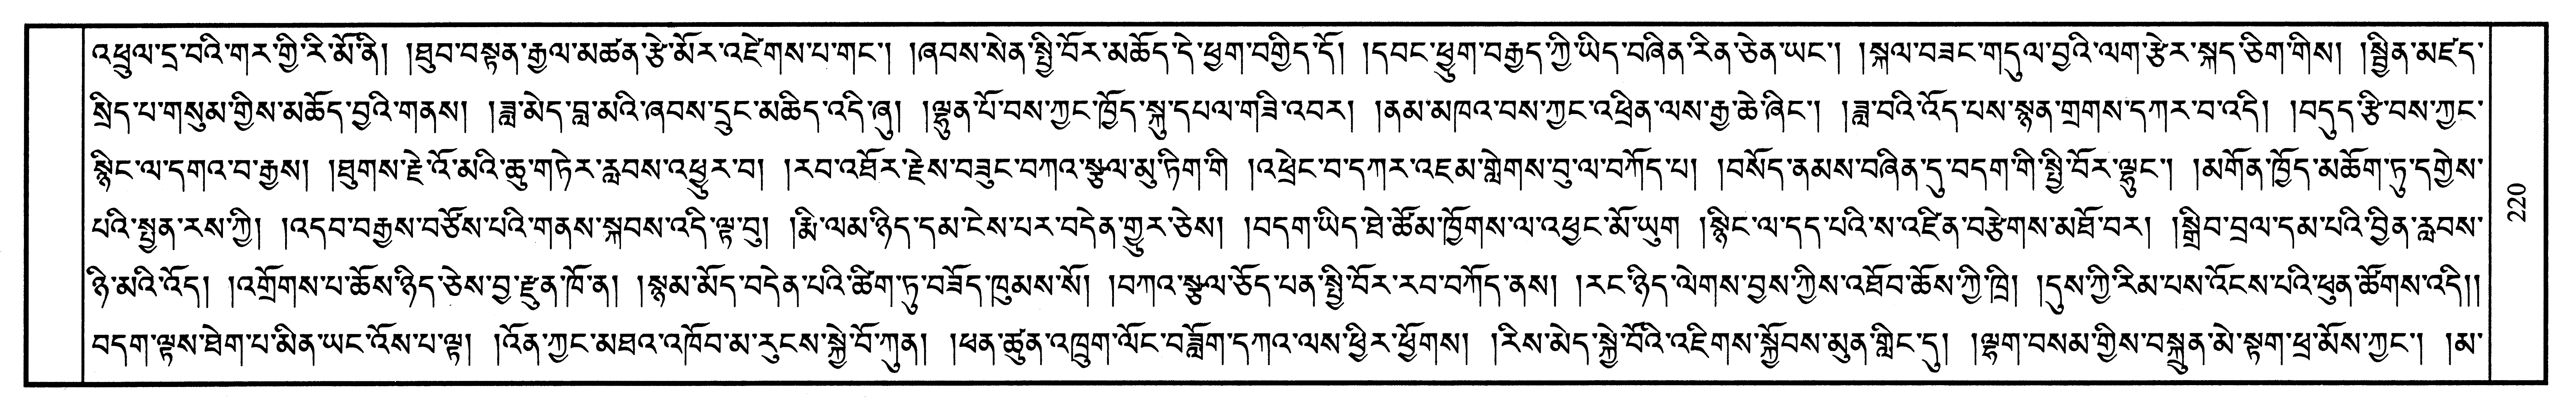འཕྲུལ་དྲ་བའི་གར་གྱི་རི་མོ་ནི། །ཐུབ་བསྟན་རྒྱལ་མཚན་རྩེ་མོར་འཛེགས་པ་གང་། །ཞབས་སེན་སྤྱི་བོར་མཆོད་དེ་ཕྱག་བགྱིད་དོ། །དབང་ཕྱུག་བརྒྱད་ཀྱི་ཡིད་བཞིན་རིན་ཅེན་ཡང་། །སྐལ་བཟང་གདུལ་བྱའི་ལག་རྩེར་སྐད་ཅིག་གིས། །སྦྱིན་མཛད་
སྲིད་པ་གསུམ་གྱིས་མཆོད་བྱའི་གནས། །ཟླ་མེད་བླ་མའི་ཞབས་དྲུང་མཆིད་འདི་ཞུ། །ལྷུན་པོ་བས་ཀྱང་ཁྱོད་སྐུ་དཔལ་གཟི་འབར། །ནམ་མཁའ་བས་ཀྱང་འཕྲིན་ལས་རྒྱ་ཆེ་ཞིང་། །ཟླ་བའི་འོད་པས་སྙན་གྲགས་དཀར་བ་འདི། །བདུད་རྩི་བས་ཀྱང་
སྙིང་ལ་དགའ་བ་རྒྱས། །ཐུགས་རྗེ་འོ་མའི་ཆུ་གཏེར་རླབས་འཕྱུར་བ། །རབ་འཐོར་རྗེས་བཟུང་བཀའ་སྩལ་མུ་ཏིག་གི །འཕྲེང་བ་དཀར་འཇམ་གླེགས་བུ་ལ་བཀོད་པ། །བསོད་ནམས་བཞིན་དུ་བདག་གི་སྤྱི་བོར་ལྷུང་། །མགོན་ཁྱོད་མཆོག་ཏུ་དགྱེས་
པའི་སྤྱན་རས་ཀྱི། །འདབ་བརྒྱས་བཙོས་པའི་གནས་སྐབས་འདི་ལྟ་བུ། །རྨི་ལམ་ཉིད་དམ་ངེས་པར་བདེན་གྱུར་ཅེས། །བདག་ཡིད་ཐེ་ཚོམ་ཁྱོགས་ལ་འཕྱང་མོ་ཡུག །སྙིང་ལ་དད་པའི་ས་འཛིན་བརྩེགས་མཐོ་བར། །སྒྲིབ་བྲལ་དམ་པའི་བྱིན་རླབས་
ཉི་མའི་འོད། །འགྲོགས་པ་ཆོས་ཉིད་ཅེས་བྱ་རྫུན་ཁོ་ན། །སྙམ་མོད་བདེན་པའི་ཚིག་ཏུ་བཟོད་ཁུམས་སོ། །བཀའ་སྩལ་ཅོད་པན་སྤྱི་བོར་རབ་བཀོད་ནས། །རང་ཉིད་ལེགས་བྱས་ཀྱིས་འཐོབ་ཆོས་ཀྱི་ཁྲི། །དུས་ཀྱི་རིམ་པས་འོངས་པའི་ཕུན་ཚོགས་འདི།།
བདག་ལྟས་ཐེག་པ་མིན་ཡང་འོས་པ་ལྟ། །འོན་ཀྱང་མཐའ་འཁོབ་མ་རུངས་སྐྱེ་བོ་ཀུན། །ཕན་ཚུན་འཁྲུག་ལོང་བཟློག་དཀའ་ལས་ཕྱིར་ཕྱོགས། །རིས་མེད་སྐྱེ་བོའི་འཇིགས་སྐྱོབས་མུན་གླིང་དུ། །ལྷག་བསམ་གྱིས་བསྐྲུན་མེ་སྟག་ཕྲ་མོས་ཀྱང་། །མ་